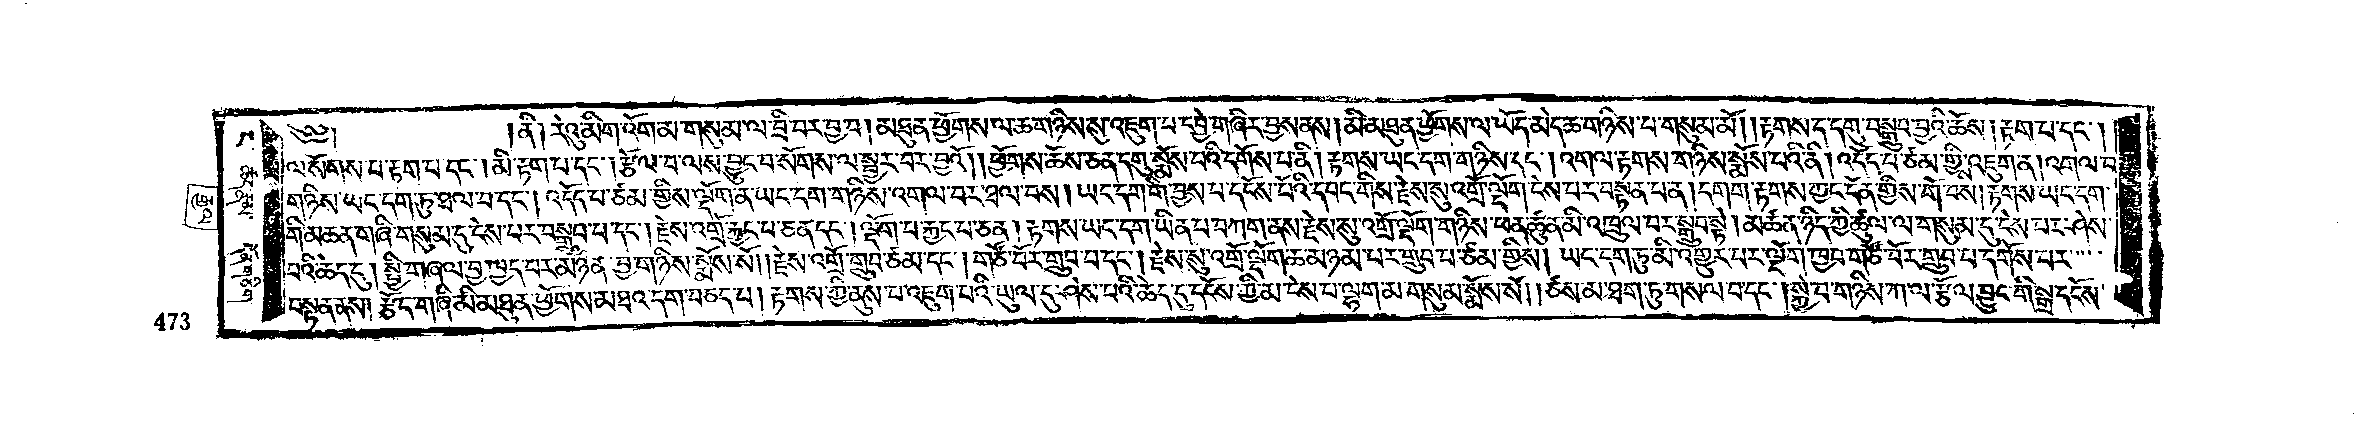༄༅། །ནི། རེའུ་མིག་འགོ་མ་གསུམ་ལ་བྲི་བར་བྱ་བ། མཐུན་ཕྱོགས་ལ་ཆ་གཉིས་སུ་འཇུག་པ་དབྱེ་གཞིར་བྱས་ནས། མི་མཐུན་ཕྱོགས་ལ་ཡོད་མེད་ཆ་གཉིས་པ་གསུམ་མོ། །རྟགས་ད་དགུ་བསྒྲུབ་བྱའི་ཆོས། རྟག་པ་དང་།
ལ་སོགས་པ་རྟག་པ་དང་། མི་རྟག་པ་དང་། རྩོལ་བ་ལས་བྱུང་བ་སོགས་ལ་སྦྱར་བར་བྱའོ། །ཕྱོགས་ཆོས་ཅན་དགུ་སྨོས་པའི་དགོས་པ་ནི། རྟགས་ཡང་དག་གཉིས་དང་། འགལ་རྟགས་གཉིས་སྨོས་པའི་ནི། འདོད་པ་ཙམ་གྱིས་འཇུག་ན། འགལ་བ་
གཉིས་ཡང་དག་ཏུ་ཐལ་བ་དང་། འདོད་པ་ཙམ་གྱིས་ལྡོག་ན་ཡང་དག་གཉིས་འགལ་བར་ཐལ་བས། ཡང་དག་གི་བྱས་པ་དངོས་པོའི་དབང་གིས་རྗེས་སུ་འགྲོ་ལྡོག་ངེས་པར་བསྟན་པ་ན། དགག་རྟགས་ཀྱང་དོན་གྱིས་གོ་བས། རྟགས་ཡང་དག་
གི་མཚན་གཞི་གསུམ་དུ་ངེས་པར་བསྒྲུབ་པ་དང་། རྗེས་འགྲོ་རྐྱང་བ་ཅན་དང་། ལྡོག་པ་རྐྱང་བ་ཅན། རྟགས་ཡང་དག་ཡིན་པ་བཀག་ནས་རྗེས་སུ་འགྲོ་ལྡོག་གཉིས་ཕན་ཚུན་མི་འཁྲུལ་བར་སྒྲུབ་སྟེ། མཚན་ཉིད་ཀྱི་ཚུལ་ལ་གསུམ་དུ་ངེས་པར་ཤེས་
པའི་ཆེད་དུ། སྤྱི་གཞལ་བྱ་ཁྱད་པར་མཉན་བྱ་གཉིས་སྨོས་སོ། །རྗེས་འགྲོ་གྲུབ་ཙམ་དང་། གཙོ་བོར་གྲུབ་པ་དང་། རྗེས་སུ་འགྲོ་ལྡོག་ཆ་མཉམ་པར་གྲུབ་པ་ཙམ་གྱིས། ཡང་དག་ཏུ་མི་འགྱུར་པར་ལྡོག་ཁྱབ་གཙོ་བོར་གྲུབ་པ་དགོས་པར་
བསྟན་ནས། རྩོད་གཞི་མི་མཐུན་ཕྱོགས་མཐའ་དག་བཅད་པ། རྟགས་ཀྱི་ནུས་པ་འཇུག་པའི་ཡུལ་དུ་ཤེས་པའི་ཆེད་དུ་དངོས་ཀྱི་མ་ངེས་པ་ལྷག་མ་གསུམ་སྨོས་སོ། །ཙས་མ་ཐག་ཏུ་གསལ་བ་དང་། སྐྱེ་བ་གཉིས་ཀ་ལ་རྩོལ་བྱུང་གི་སྒྲ་དངོས་